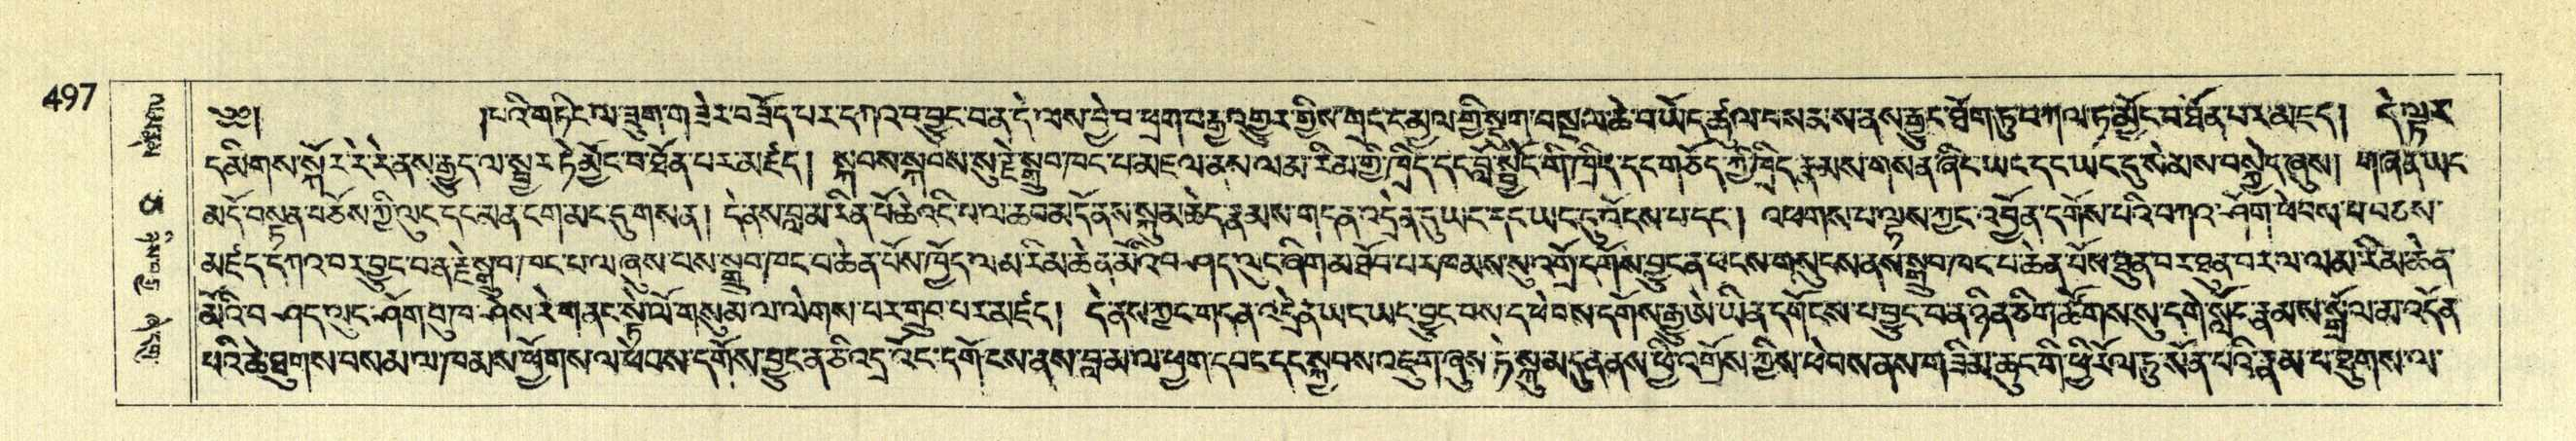༄༅། །པའི་གཏིང་ལ་ཟུག་གཟེར་བཟོད་པར་དཀའ་བ་བྱུང་བ་ན་དེ་ལས་བྱེ་བ་ཕྲག་བརྒྱ་འགྱུར་གྱིས་གྲང་དམྱལ་གྱི་སྡུག་བསྔལ་ཆེ་བ་ཡོད་ཚུལ་ལ་སམས་ནས་རྒྱུད་ཐོག་ཏུ་བཀལ་ཏ་མྱོང་བ་ཐོན་པར་མཛད། དེ་ལྟར་
དམིགས་སྐོར་རེ་རེ་ནས་རྒྱུད་ལ་སྦྱར་ཏེ་མྱོང་བ་ཐོན་པར་མཛད། སྐབས་སྐབས་སུ་རྗེ་སྒྲུབ་ཁང་པ་མཇལ་ནས་ལམ་རིམ་གྱི་ཁྲིད་དང་བློ་སྦྱོང་གི་ཁྲིད་དང་གཅོད་ཀྱི་ཁྲིད་རྣམས་གསན་ཞིང་ཡང་དང་ཡང་དུ་སེམས་བསྐྱེད་ཞུས། གཞན་ཡང་
མདོ་བསྟན་བཅོས་ཀྱི་ལུང་དང་མན་ངག་མང་དུ་གསན། དེ་ནས་བླ་མ་རིན་པོ་ཆེ་འདི་པ་ལ་ཆབ་མདོ་ནས་སྐུ་མཆེད་རྣམས་གདན་འདྲེན་དུ་ཡང་དང་ཡང་དུ་འོངས་པ་དང་། འཕགས་པ་ལྷས་ཀྱང་འབྱོན་དགོས་པའི་བཀའ་ཤོག་ཕེབས་པ་བཅས་
མཛད་དཀའ་བར་བྱུང་བ་ན་རྗེ་སྒྲུབ་ཁང་པ་ལ་ཞུས་པས་སྒྲུབ་ཁང་བ་ཆེན་པོས་ཁྱོད་ལམ་རིམ་ཆེན་མོའི་བཤད་ལུང་ཞིག་མ་ཐོབ་པར་ཁམས་སུ་འགྲོ་དགོས་བྱུང་ན་ཕངས་གསུངས་ནས་སྒྲུབ་ཁང་པ་ཆེན་པོས་ཐུན་པར་ཐུན་བར་ལ་ལམ་རིམ་ཆེན་
མོའི་བཤད་ལུང་ཤོག་བུ་ཁ་ཤེས་རེ་གནང་སྟེ་ལོ་གསུམ་ལ་ལེགས་པར་གྲུབ་པར་མཛད། དེ་ནས་ཀྱང་གདན་འདྲེན་ཡང་ཡང་བྱུང་བསད་ཕེབས་དགོས་རྒྱུ་ཨེ་ཡིན་དགོངས་པ་བྱུང་བ་ན་ཉིན་ཅིག་ཚོགས་སུ་དགེ་སློང་རྣམས་སྒྲོལ་མ་འདོན་
པའི་ཆེ་ཐུགས་བསམ་ལ་ཁམས་ཕྱོགས་ལ་ཕེབས་དགོས་བྱུང་ན་ཅི་འདྲ་འོད་དགོངས་ནས་བླ་མ་ལ་ཕྱག་དབང་དང་སྐྱབས་འཇུག་ཞུས་ཏེ་སྐུ་མདུན་ནས་ཕྱི་འགྲོས་ཀྱིས་ཕེབས་ནས་གཟིམ་ཆུང་གི་ཕྱི་རོལ་ཏུ་སོན་པའི་རྣམ་པ་ཐུགས་ལ་